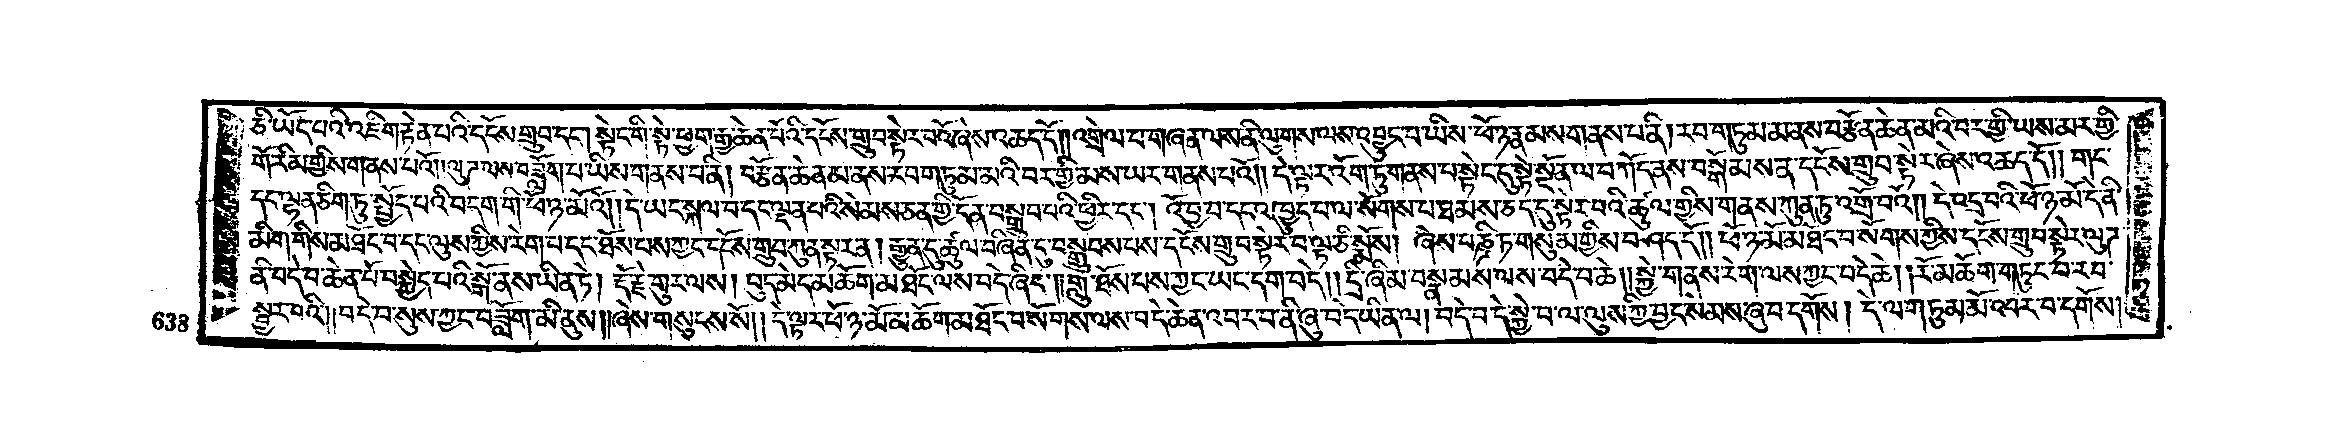ཅི་ཡོད་པའི་འཇིག་རྟེན་པའི་དངོས་གྲུབ་དང་། སྟེང་གི་སྟེ་ཕྱག་རྒྱ་ཆེན་པོའི་དངོས་གྲུབ་སྟེར་བའོ་ཞེས་འཆད་དོ། །འགྲེལ་པ་གཞན་ལས་ནི་ལུགས་ལས་འབྱུང་བ་ཡིས་ཕོ་ཉ་རྣམས་གནས་པ་ནི། རབ་གཏུམ་མ་ནས་བརྩོན་ཆེན་མའི་བར་གྱི་ཡས་མར་གྱི་
གོ་རིམ་གྱིས་གནས་པའོ། །ལུགས་ལས་བཟློག་པ་ཡིས་གནས་པ་ནི། བརྩོན་ཆེན་མ་ནས་རབ་གཏུམ་མའི་བར་གྱི་མས་ཡར་གནས་པའོ། །དེ་ལྟར་འོག་ཏུ་གནས་པ་སྟེང་དུ་སྟེ་སྔོན་ལ་བཀོད་ནས་བསྒོམས་ན་དངོས་གྲུབ་སྟེར་ཞེས་འཆད་དོ། །གང་
དང་ལྷན་ཅིག་ཏུ་སྤྱོད་པའི་བདག་གི་ཕོ་ཉ་མོའོ། །དེ་ཡང་སྐལ་བ་དང་ལྡན་པའི་སེམས་ཅན་གྱི་དོན་བསྒྲུབ་པའི་ཕྱིར་དང་། འོ་བྱ་བ་དང་འཁྱུད་པ་ལ་སོགས་པ་ཐམས་ཅད་དུ་སྟེར་བའི་ཚུལ་གྱིས་གནས་ཀུན་ཏུ་འགྲོ་བའོ། །དེ་འདྲ་བའི་ཕོ་ཉ་མོ་དེ་ནི་
མིག་གིས་མཐོང་བ་དང་ལུས་ཀྱིས་རེག་པ་དང་ཐོས་པས་ཀྱང་དངོས་གྲུབ་ཀུན་སྟེར་ན། རྒྱུན་དུ་ཚུལ་བཞིན་དུ་བསྒྲུབས་པས་དངོས་གྲུབ་སྟེར་བ་ལྟ་ཅི་སྨོས། ཞེས་པ་པཎྜི་ཏ་གསུམ་གྱིས་བཤད་དོ། །ཕོ་ཉ་མོ་མཐོང་བ་སོགས་ཀྱིས་དངོས་གྲུབ་སྟེར་ལུགས་
ནི་བདེ་བ་ཆེན་པོ་བསྐྱེད་པའི་སྒོ་ནས་ཡིན་ཏེ། རྡོ་རྗེ་གུར་ལས། བུད་མེད་མཆོག་མཐོང་ལས་བདེ་ཞིང་། །གླུ་ཐོས་པས་ཀྱང་ཡང་དག་བདེ། །དྲི་ཞིམ་བསྣམས་ལས་བདེ་བ་ཆེ། །སྐྱེ་གནས་རེག་ལས་ཀྱང་བདེ་ཆེ། །རོ་མཆོག་གཏུང་བ་རབ་
སྦྱར་བའི། །བདེ་བ་སུས་ཀྱང་བཟློག་མི་ནུས། །ཞེས་གསུངས་སོ། །དེ་ལྟར་ཕོ་ཉ་མོ་མཆོག་མཐོང་བ་སོགས་ལས་བདེ་ཆེན་འབར་བ་ནི་ཞུ་བདེ་ཡིན་ལ། བདེ་བ་དེ་སྐྱེ་བ་ལ་ལུས་ཀྱི་བྱང་སེམས་ཞུ་བ་དགོས། དེ་ལ་གཏུམ་མོ་འབར་བ་དགོས།